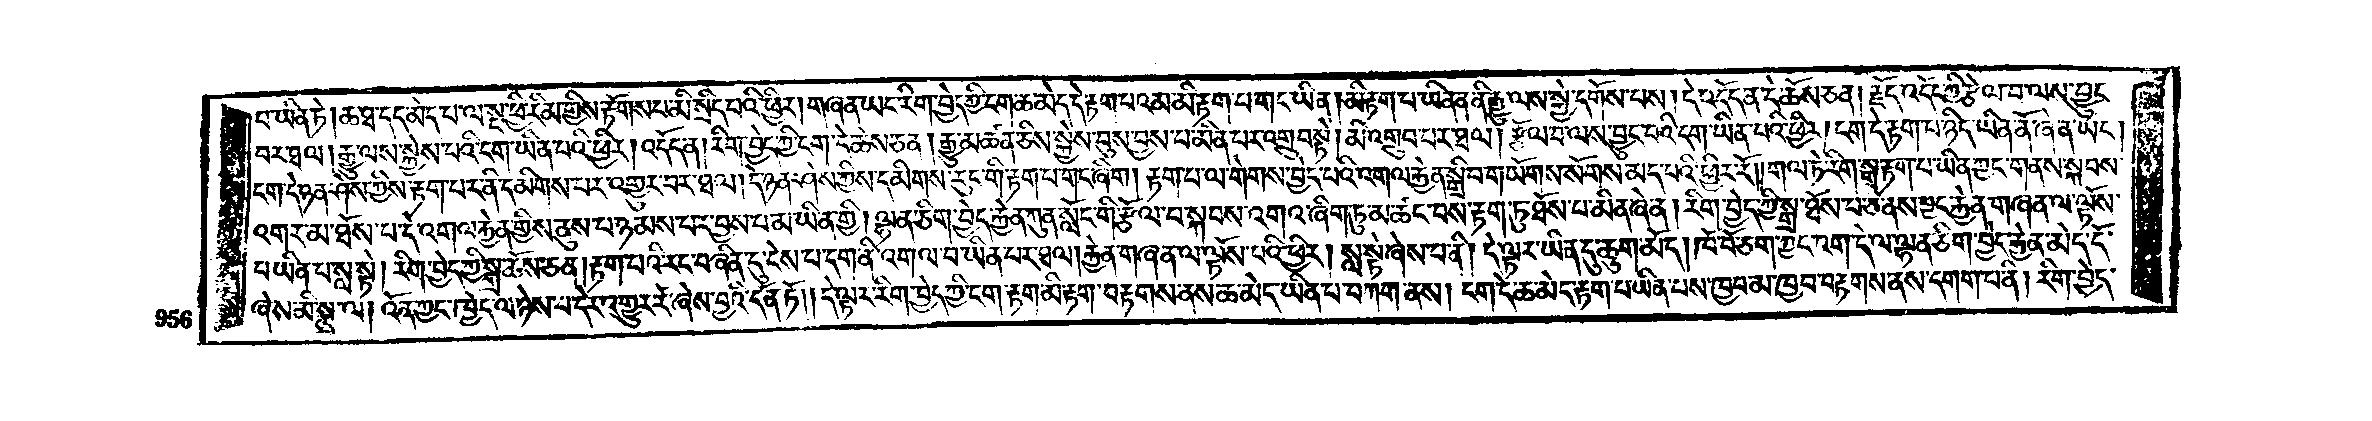པ་ཡིན་ཏེ། ཆ་ཐ་དད་མེད་པ་ལ་སྔ་ཕྱི་རིམ་གྱིས་རྟོགས་པ་མི་སྲིད་པའི་ཕྱིར། གཞན་ཡང་རིག་བྱེད་ཀྱི་ངག་ཆ་མེད་དེ་རྟག་པའང་མི་རྟག་པ་གང་ཡིན། མི་རྟག་པ་ཡིན་ན་ནི་རྒྱུ་ལས་སྐྱེ་དགོས་པས། དེ་འདོད་ན་དེ་ཆོས་ཅན། རྗོད་འདོད་ཀྱི་རྩེལ་བ་ལས་བྱུང་
བར་ཐལ། རྒྱུ་ལས་སྐྱེས་པའི་ངག་ཡིན་པའི་ཕྱིར། འདོད་ན། རིག་བྱེད་ཀྱི་ངག་དེ་ཆོས་ཅན། རྒྱུ་མཚན་ཅིས་སྐྱེས་བུ་བྱས་པ་མིན་པར་འགྲུབ་སྟེ། མི་འགྲུབ་པར་ཐལ། རྩོལ་བ་ལས་བྱུང་བ་ངག་ཡིན་པའི་ཕྱིར། ངག་དེ་རྟག་པ་ཉིད་ཡིན་ནོ་ཞེ་ན་ཡང་།
ངག་དེ་ཉན་ཤེས་ཀྱིས་རྟག་པར་ནི་དམིགས་པར་འགྱུར་བར་ཐལ། དེ་ཉན་ཤེས་ཀྱིས་དམིགས་རུང་གི་རྟག་པ་གང་ཞིག །རྟག་པ་ལ་གེགས་བྱེད་པའི་འགལ་རྐྱེན་སྒྲིབ་གཡོགས་སོགས་མེད་པའི་ཕྱིར་རོ། །གལ་ཏེ་རིག་སྒྲ་རྟག་པ་ཡིན་ཀྱང་གནས་སྐབས་
འགར་མ་ཐོས་པ་དེ་འགལ་རྐྱེན་གྱིས་ནུས་པ་ཉམས་པར་བྱས་པ་མ་ཡིན་གྱི། ལྷན་ཅིག་བྱེད་རྐྱེན་ཀུན་སློང་གི་རྩོལ་བ་སྐབས་འགའ་ཞིག་ཏུ་མ་ཚང་བས་རྟག་ཏུ་ཐོས་པ་མིན་ཞེ་ན། རིག་བྱེད་ཀྱི་སྒྲ་ཐོས་པ་ཅི་ནས་བྱང་རྐྱེན་གཞན་ལ་ལྟོས་
པ་ཡིན་པ་སླ་སྟེ། རིག་བྱེད་ཀྱི་སྒྲ་ཆོས་ཅན། རྟག་པའི་རང་བཞིན་དུ་ངེས་པ་དག་ནི་འགལ་བ་ཡིན་པར་ཐལ། རྐྱེན་གཞན་ལ་ལྟོས་པའི་ཕྱིར། སླ་སྟེ་ཞེས་པ་ནི། དེ་ལྟར་ཡིན་དུ་ཆུག་མོད། ཁོ་བོ་ཅག་ཀྱང་འོག་དེ་ལ་ལྷན་ཅིག་བྱེད་རྐྱེན་མེད་དོ་
ཞེས་མི་སྨྲ་ལ། འོན་ཀྱང་ཁྱེད་ལ་ཉེས་པ་དེར་འགྱུར་རོ་ཞེས་བྱའི་དོན་ཏོ། དེ་ལྟར་རིག་བྱེད་ཀྱི་ངག་རྟག་མི་རྟག་བརྟགས་ནས་ཆ་མེད་ཡིན་པ་བཀག་ནས། ངག་དེ་ཆ་མེད་རྟག་པ་ཡིན་པས་ཁྱབ་མ་ཁྱབ་བརྟགས་ནས་དགག་པ་ནི། རིག་བྱེད་